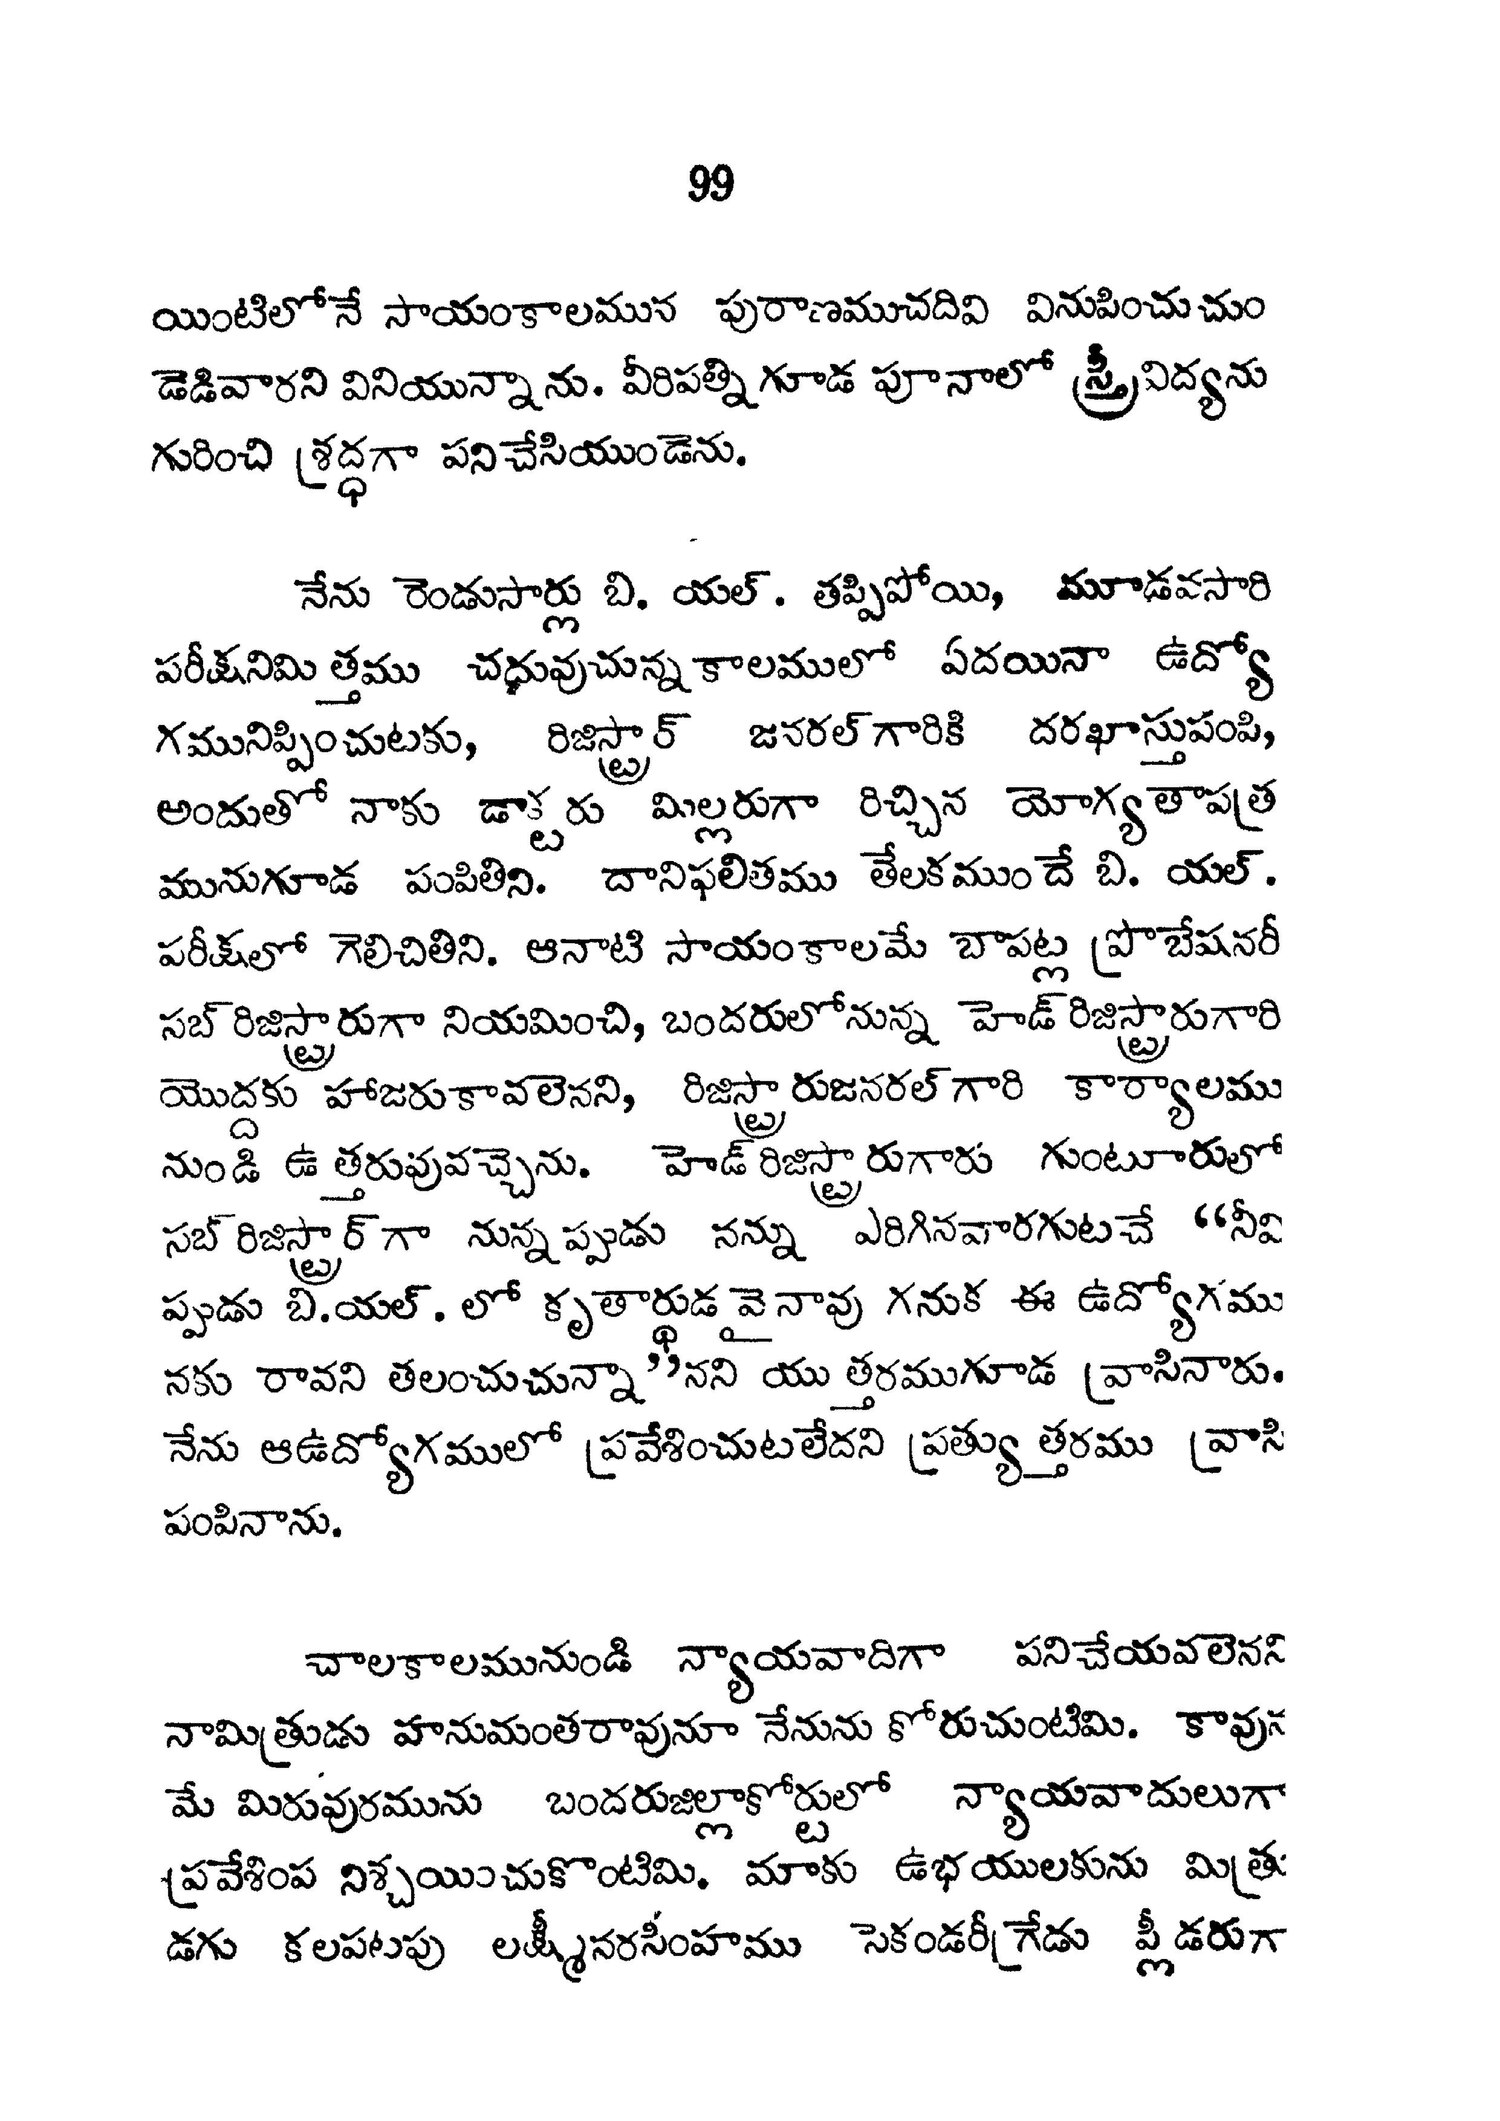యింటిలోనే సాయంకాలమున పురాణముచదివి వినుపించుచుండెడివారని వినియున్నాను. వీరిపత్ని గూడా పూనాలో స్త్రీవిద్యను గురించి శ్రద్ధగా పనిచేసియుండెను. 

నేను రెండుసార్లు బి. యల్. తప్పిపోయి, మూడవసారి పరీక్షనిమిత్తము చదువుచున్నకాలములో ఏదయినా ఉద్యోగమునిప్పించుటకు, రిజిస్ట్రార్ జనరల్‌గారికి దరఖాస్తుపంపి, అందుతో నాకు డాక్టరు మిల్లరుగా రిచ్చిన యోగ్యతాపత్రమునుగూడ పంపితిని. దానిఫలితము తేలకముందే బి. యల్. పరీక్షలో గెలిచితిని. ఆనాటి సాయంకాలమే బాపట్ల ప్రొబేషనరీ సబ్‌రిజిస్ట్రారుగా నియమించి, బందురులోనున్న హెడ్‌రిజిస్ట్రారుగారి యొద్దకు హాజరుకావలెనని, రిజిస్ట్రారుజనరల్‌గారి కార్యాలయమునుండి ఉత్తరువువచ్చెను. హెడ్‌రిజిస్ట్రారుగారు గుంటూరులో సబ్‌రిజిస్ట్రార్‌గా నున్నప్పుడు నన్ను ఎరిగినవారగుటచే "నీవిప్పుడు బి. యల్. లో కృతార్థుడవైనావు గనుక ఈ ఉద్యోగమునకు రావని తలంచుచున్నా"నని యుత్తరముగూడ వ్రాసినారు. నేను ఆఉద్యోగములో ప్రవేశించుటలేదని ప్రత్యుత్తరము వ్రాసి పంపినాను. 

చాలకాలమునుండి న్యాయవాదిగా పనిచేయవలెనని నామిత్రుడు హనుమంతురావునూ నేనును కోరుచుంటిమి. కావున మే మిరువురమును బందరుజిల్లాకోర్టులో న్యాయవాదులుగా ప్రవేశింప నిశ్చయించుకొంటిమి. మాకు ఉభయులకును మిత్రుడగు కలపటపు లక్ష్మీనరసింహము సెకండరీగ్రేడు ప్లీడరుగా